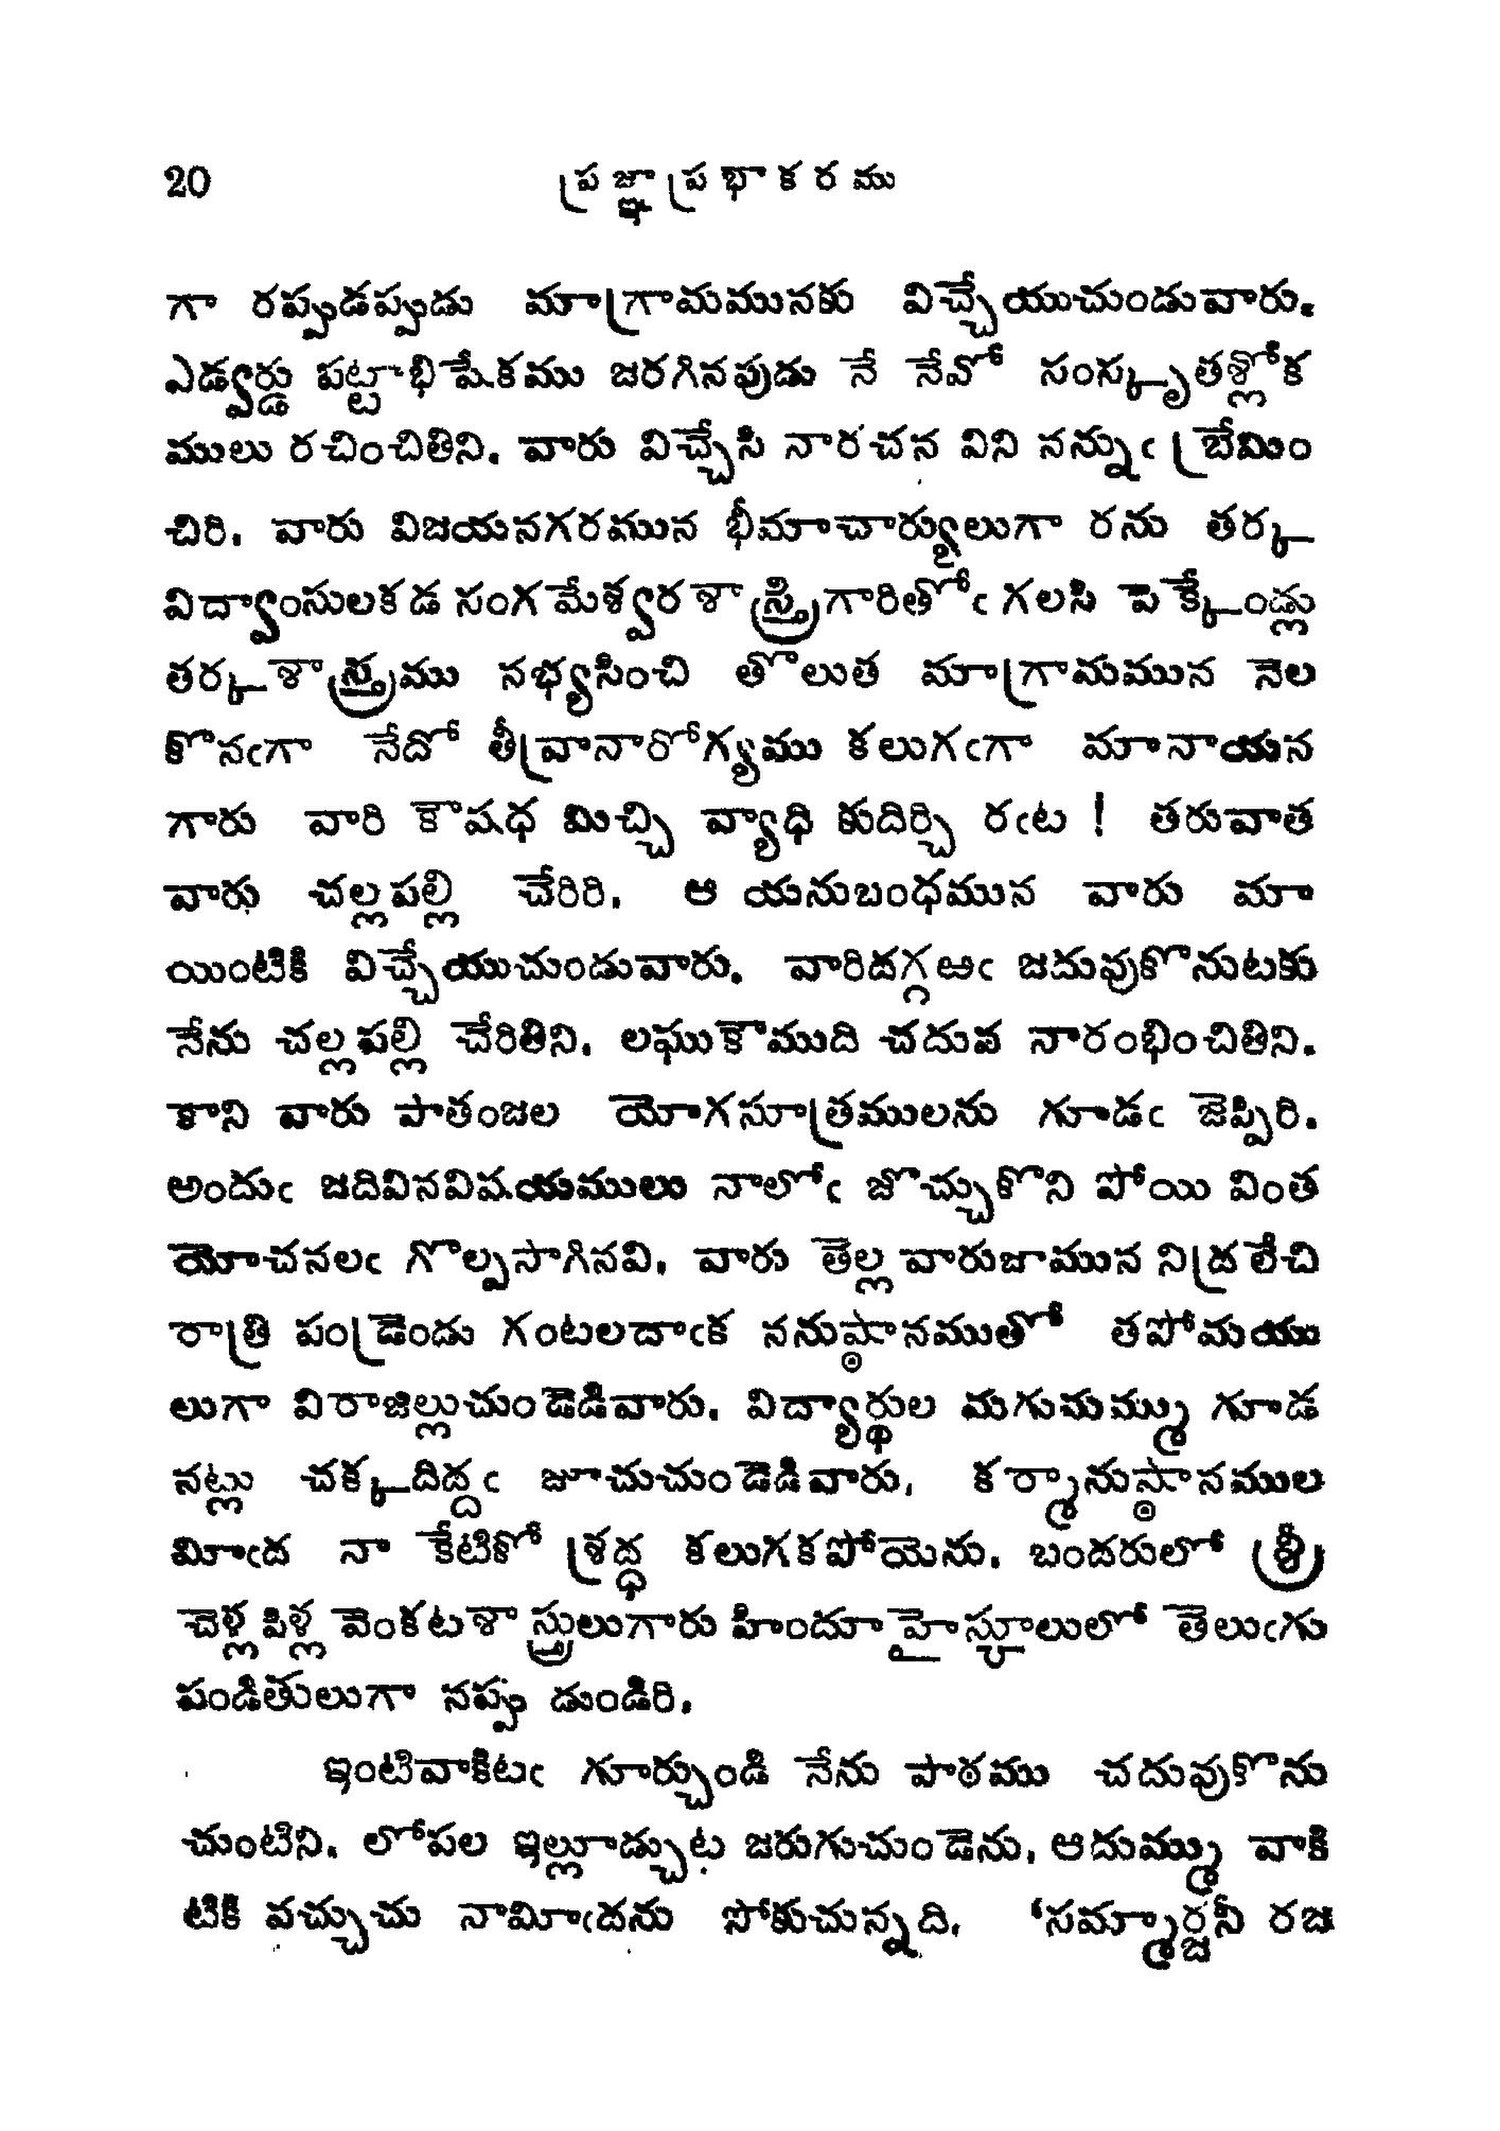గా రప్పుడప్పుడు మా గ్రామమునకు విచ్చేయు చుండువారు. ఎడ్వర్డు పట్టాభిషేకము జరగినపుడు నే నేవో సంస్కృత శ్లోకములు రచించితిని. వారు విచ్చేసి నా రచన వినినన్నుఁబ్రేమించిరి. వారు విజయనగరమున భీమాచార్యులుగా రను తర్క విద్వాంసు లకడ సంగమేస్వర శాస్త్రిగారితోఁ గలసి పెక్కేండ్లు తర్క శాస్త్రము నభ్యసించి తొలుత మా గ్రామమున నెలకొనఁ గా నేదో తీవ్రానారోగ్యము కలుగఁ గా మా నాయనగారు వారి కౌషధ మిచ్చి వ్యాధి కుదిర్చిరఁట! తరివాత వారు చల్లపల్లి చేరిరి. ఆ యనుబంధమున వారు మా యింటికి విచ్చేయుచుండువారు. వారిదగ్గఱఁ జదువుకొనుటకు నేను చల్లపిల్లి చేరితిని. లఘుకౌముది చదువ నారంభించితిని. కాని వారు పాతంజల యోగసూత్రములను గూడఁ జెప్పిరి. అందుఁ జదివిన విషయములు నాలోఁ జొచ్చుకొని పోయి వింత యోచనలఁ గొల్ప సాగినవి. వారు తెల్లవారుజమున నిద్రలేచి రాత్రి పండ్రెండు గంటల దాకఁ ననుష్టానముతో తపోమయులుగా విరాజిల్లుచుండెడివారు. విద్యార్ధుల మగు మమ్ము గూడ నట్లు చక్కదిద్దఁజూచుచుండెడివారు. కర్మానుష్టానములమీద నా కేటికో శ్రద్ధ కలుగకపోయెను. బందరులో శ్రీ చెళ్ళపిళ్ళ వెంకట శాస్త్రులు గారు హిందూ హైస్కూలులో తెలుఁగు పండితులుగా నప్పు డుండిరి.

ఇంటివాకిటఁ గూర్చుండి నేను పాఠము చదువుకొను చుంటిని. లోపల ఇల్లూడ్చుట జరుగుచుండెను. ఆదుమ్ము వాకిటికి వచ్చుచు నా మీదను సోకుచున్నది.' సమ్మార్జనీ రజ